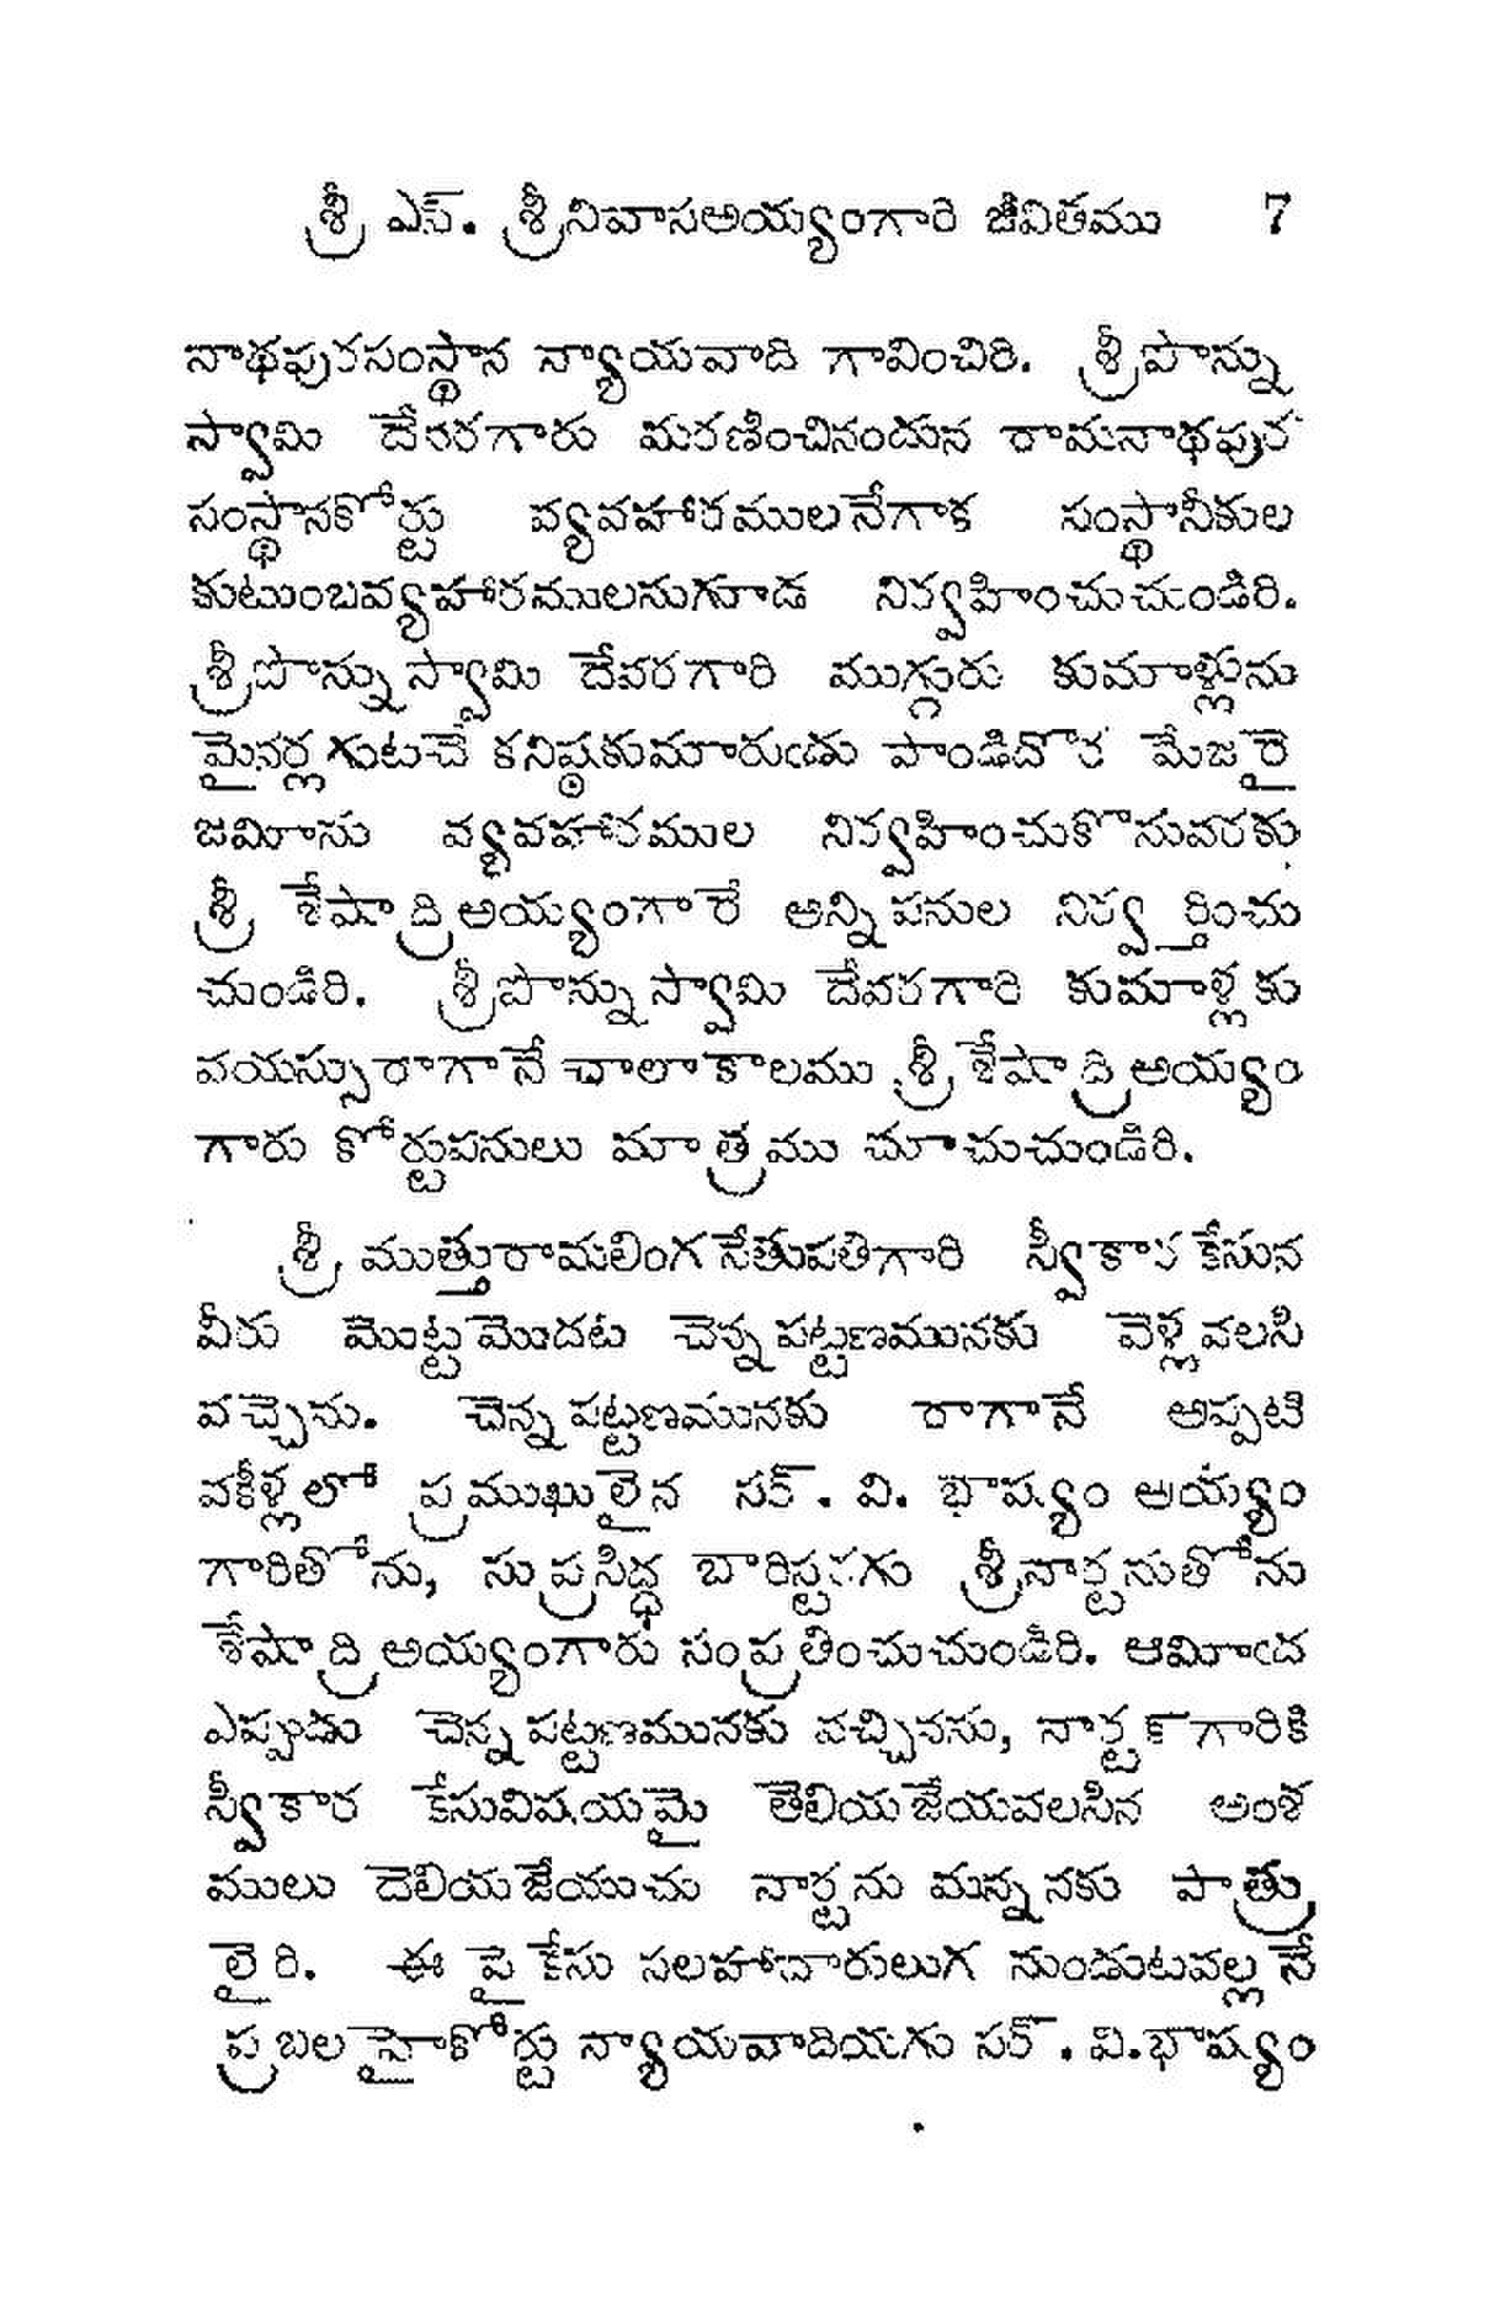నాథపురసంస్థాన న్యాయవాది గావించిరి. శ్రీపొన్నుస్వామి దేవరగారు మరణించినందున రామనాథపుర సంస్థానకోర్టు వ్యవహారములనేగాక సంస్థానీకుల కుటుంబవ్యహారములను గూడ నిర్వహించుచుండిరి. శ్రీపొన్నుస్వామి దేవరగారి ముగ్గురు కుమాళ్లును
మైనర్లగుటచే కనిష్ఠకుమారుఁడు పాండిదొర మేజరై జమీను వ్యవహారముల నిర్వహించుకొనువరకు శ్రీ శేషాద్రిఅయ్యంగారే అన్నిపనుల నిర్వర్తించు చుండిరి. శ్రీపొన్నుస్వామి దేవరగారి కుమాళ్లకు వయస్సురాగానే చాలాకాలము శ్రీశేషాద్రిఅయ్యంగారు కోర్టుపనులు మాత్రము చూచుచుండిరి,

శ్రీ ముత్తురామలింగసేతుపతిగారి స్వీకారకేసున వీరు మొట్టమొదట చెన్నపట్టణమునకు వెళ్లవలసివచ్చెను. చెన్నపట్టణమునకు రాగానే అప్పటి వకీళ్లలో ప్రముఖులైన సర్. వి. భాష్యం అయ్యంగారితోను, సుప్రసిద్ధ బారిస్టరగు శ్రీనార్టనుతోను శేషాద్రిఅయ్యంగారు సంప్రతించుచుండిరి. ఆమీద ఎప్పుడు చెన్నపట్టణమునకు వచ్చినను, నార్ట౯గారికి స్వీకార కేసువిషయమై తెలియ జేయవలసిన అంశములు దెలియజేయుచు నార్టను మున్ననకు పాత్రులైరి. ఈ పైకేసు సలహాదారులుగ నుండుటవల్లనే ప్రబలహైకోర్టు న్యాయవాదియగు సర్. వి. భాష్యం